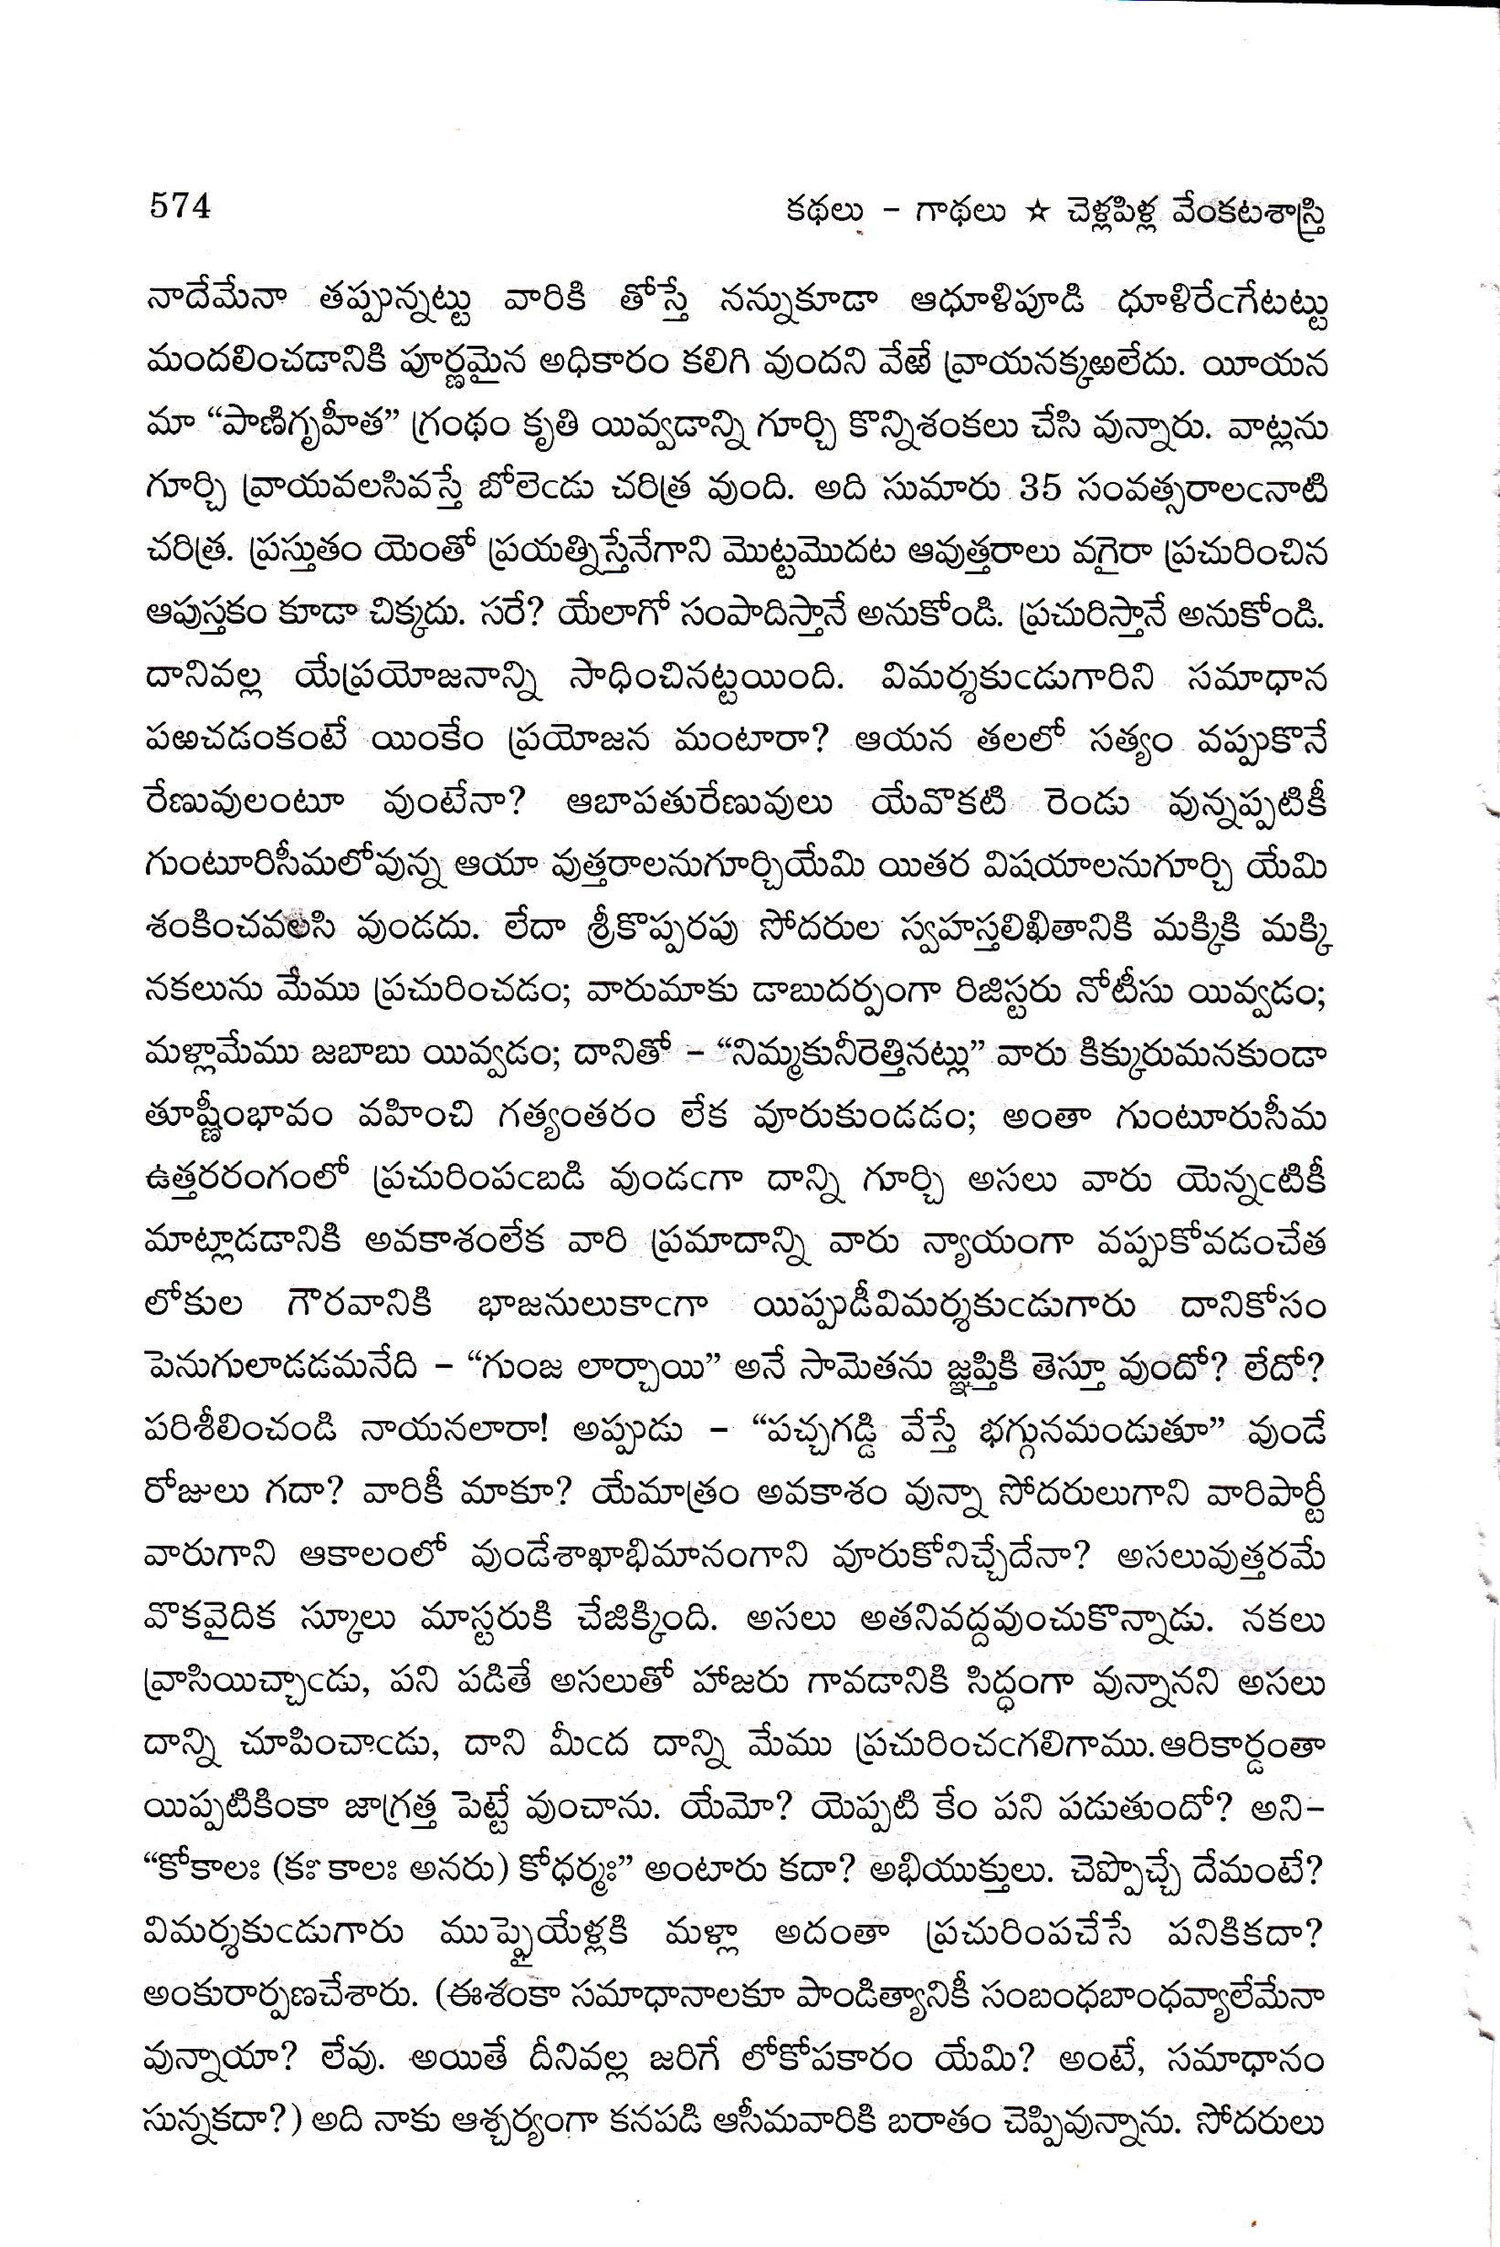నాదేమేనా తప్పున్నట్టు వారికి తోస్తే నన్నుకూడా ఆధూళిపూడి ధూళిరేఁగేటట్టు మందలించడానికి పూర్ణమైన అధికారం కలిగి వుందని వేఱే వ్రాయనక్కఱలేదు. యీయన మా “పాణిగృహీత" గ్రంథం కృతి యివ్వడాన్ని గూర్చి కొన్నిశంకలు చేసి వున్నారు. వాట్లను గూర్చి వ్రాయవలసివస్తే బోలెఁడు చరిత్ర వుంది. అది సుమారు 35 సంవత్సరాలఁనాటి చరిత్ర. ప్రస్తుతం యెంతో ప్రయత్నిస్తేనేగాని మొట్టమొదట ఆవుత్తరాలు వగైరా ప్రచురించిన ఆపుస్తకం కూడా చిక్కదు. సరే? యేలాగో సంపాదిస్తానే అనుకోండి. ప్రచురిస్తానే అనుకోండి. దానివల్ల యేప్రయోజనాన్ని సాధించినట్టయింది. విమర్శకుఁడుగారిని సమాధాన పఱచడంకంటే యింకేం ప్రయోజన మంటారా? ఆయన తలలో సత్యం వప్పుకొనే రేణువులంటూ వుంటేనా? ఆబాపతురేణువులు యేవొకటి రెండు వున్నప్పటికీ గుంటూరిసీమలోవున్న ఆయా వుత్తరాలనుగూర్చియేమి యితర విషయాలనుగూర్చి యేమి శంకించవలసి వుండదు. లేదా శ్రీకొప్పరపు సోదరుల స్వహస్తలిఖితానికి మక్కికి మక్కి నకలును మేము ప్రచురించడం; వారుమాకు డాబుదర్పంగా రిజిస్టరు నోటీసు యివ్వడం; మళ్లామేము జబాబు యివ్వడం; దానితో - "నిమ్మకునీరెత్తినట్లు" వారు కిక్కురుమనకుండా తూష్ణీంభావం వహించి గత్యంతరం లేక వూరుకుండడం; అంతా గుంటూరుసీమ ఉత్తరరంగంలో ప్రచురింపఁబడి వుండఁగా దాన్ని గూర్చి అసలు వారు యెన్నఁటికీ మాట్లాడడానికి అవకాశంలేక వారి ప్రమాదాన్ని వారు న్యాయంగా వప్పుకోవడంచేత లోకుల గౌరవానికి భాజనులుకాఁగా యిప్పడీవిమర్శకుడుగారు దానికోసం పెనుగులాడడమనేది - "గుంజ లార్చాయి" అనే సామెతను జ్ఞప్తికి తెస్తూ వుందో? లేదో? పరిశీలించండి నాయనలారా! అప్పుడు - "పచ్చగడ్డి వేస్తే భగ్గునమండుతూ" వుండే రోజులు గదా? వారికీ మాకూ? యేమాత్రం అవకాశం వున్నా సోదరులుగాని వారిపార్టీ వారుగాని ఆకాలంలో వుండేశాఖాభిమానంగాని వూరుకోనిచ్చేదేనా? అసలువుత్తరమే వొకవైదిక స్కూలు మాస్టరుకి చేజిక్కింది. అసలు అతనివద్దవుంచుకొన్నాడు. నకలు వ్రాసియిచ్చాఁడు, పని పడితే అసలుతో హాజరు గావడానికి సిద్ధంగా వున్నానని అసలు దాన్ని చూపించాఁడు, దాని మీఁద దాన్ని మేము ప్రచురించఁగలిగాము. ఆరికార్దంతా యిప్పటికింకా జాగ్రత్త పెట్టే వుంచాను. యేమో? యెప్పటి కేం పని పడుతుందో? అని“కోకాలః (కః కాలః అనరు) కోధర్మః" అంటారు కదా? అభియుక్తులు. చెప్పొచ్చే దేమంటే? విమర్శకుఁడుగారు ముప్పైయేళ్లకి మళ్లా అదంతా ప్రచురింపచేసే పనికికదా? అంకురార్పణచేశారు. (ఈశంకా సమాధానాలకూ పాండిత్యానికీ సంబంధబాంధవ్యాలేమేనా వున్నాయా? లేవు. అయితే దీనివల్ల జరిగే లోకోపకారం యేమి? అంటే, సమాధానం సున్నకదా?) అది నాకు ఆశ్చర్యంగా కనపడి ఆసీమవారికి బరాతం చెప్పివున్నాను. సోదరులు